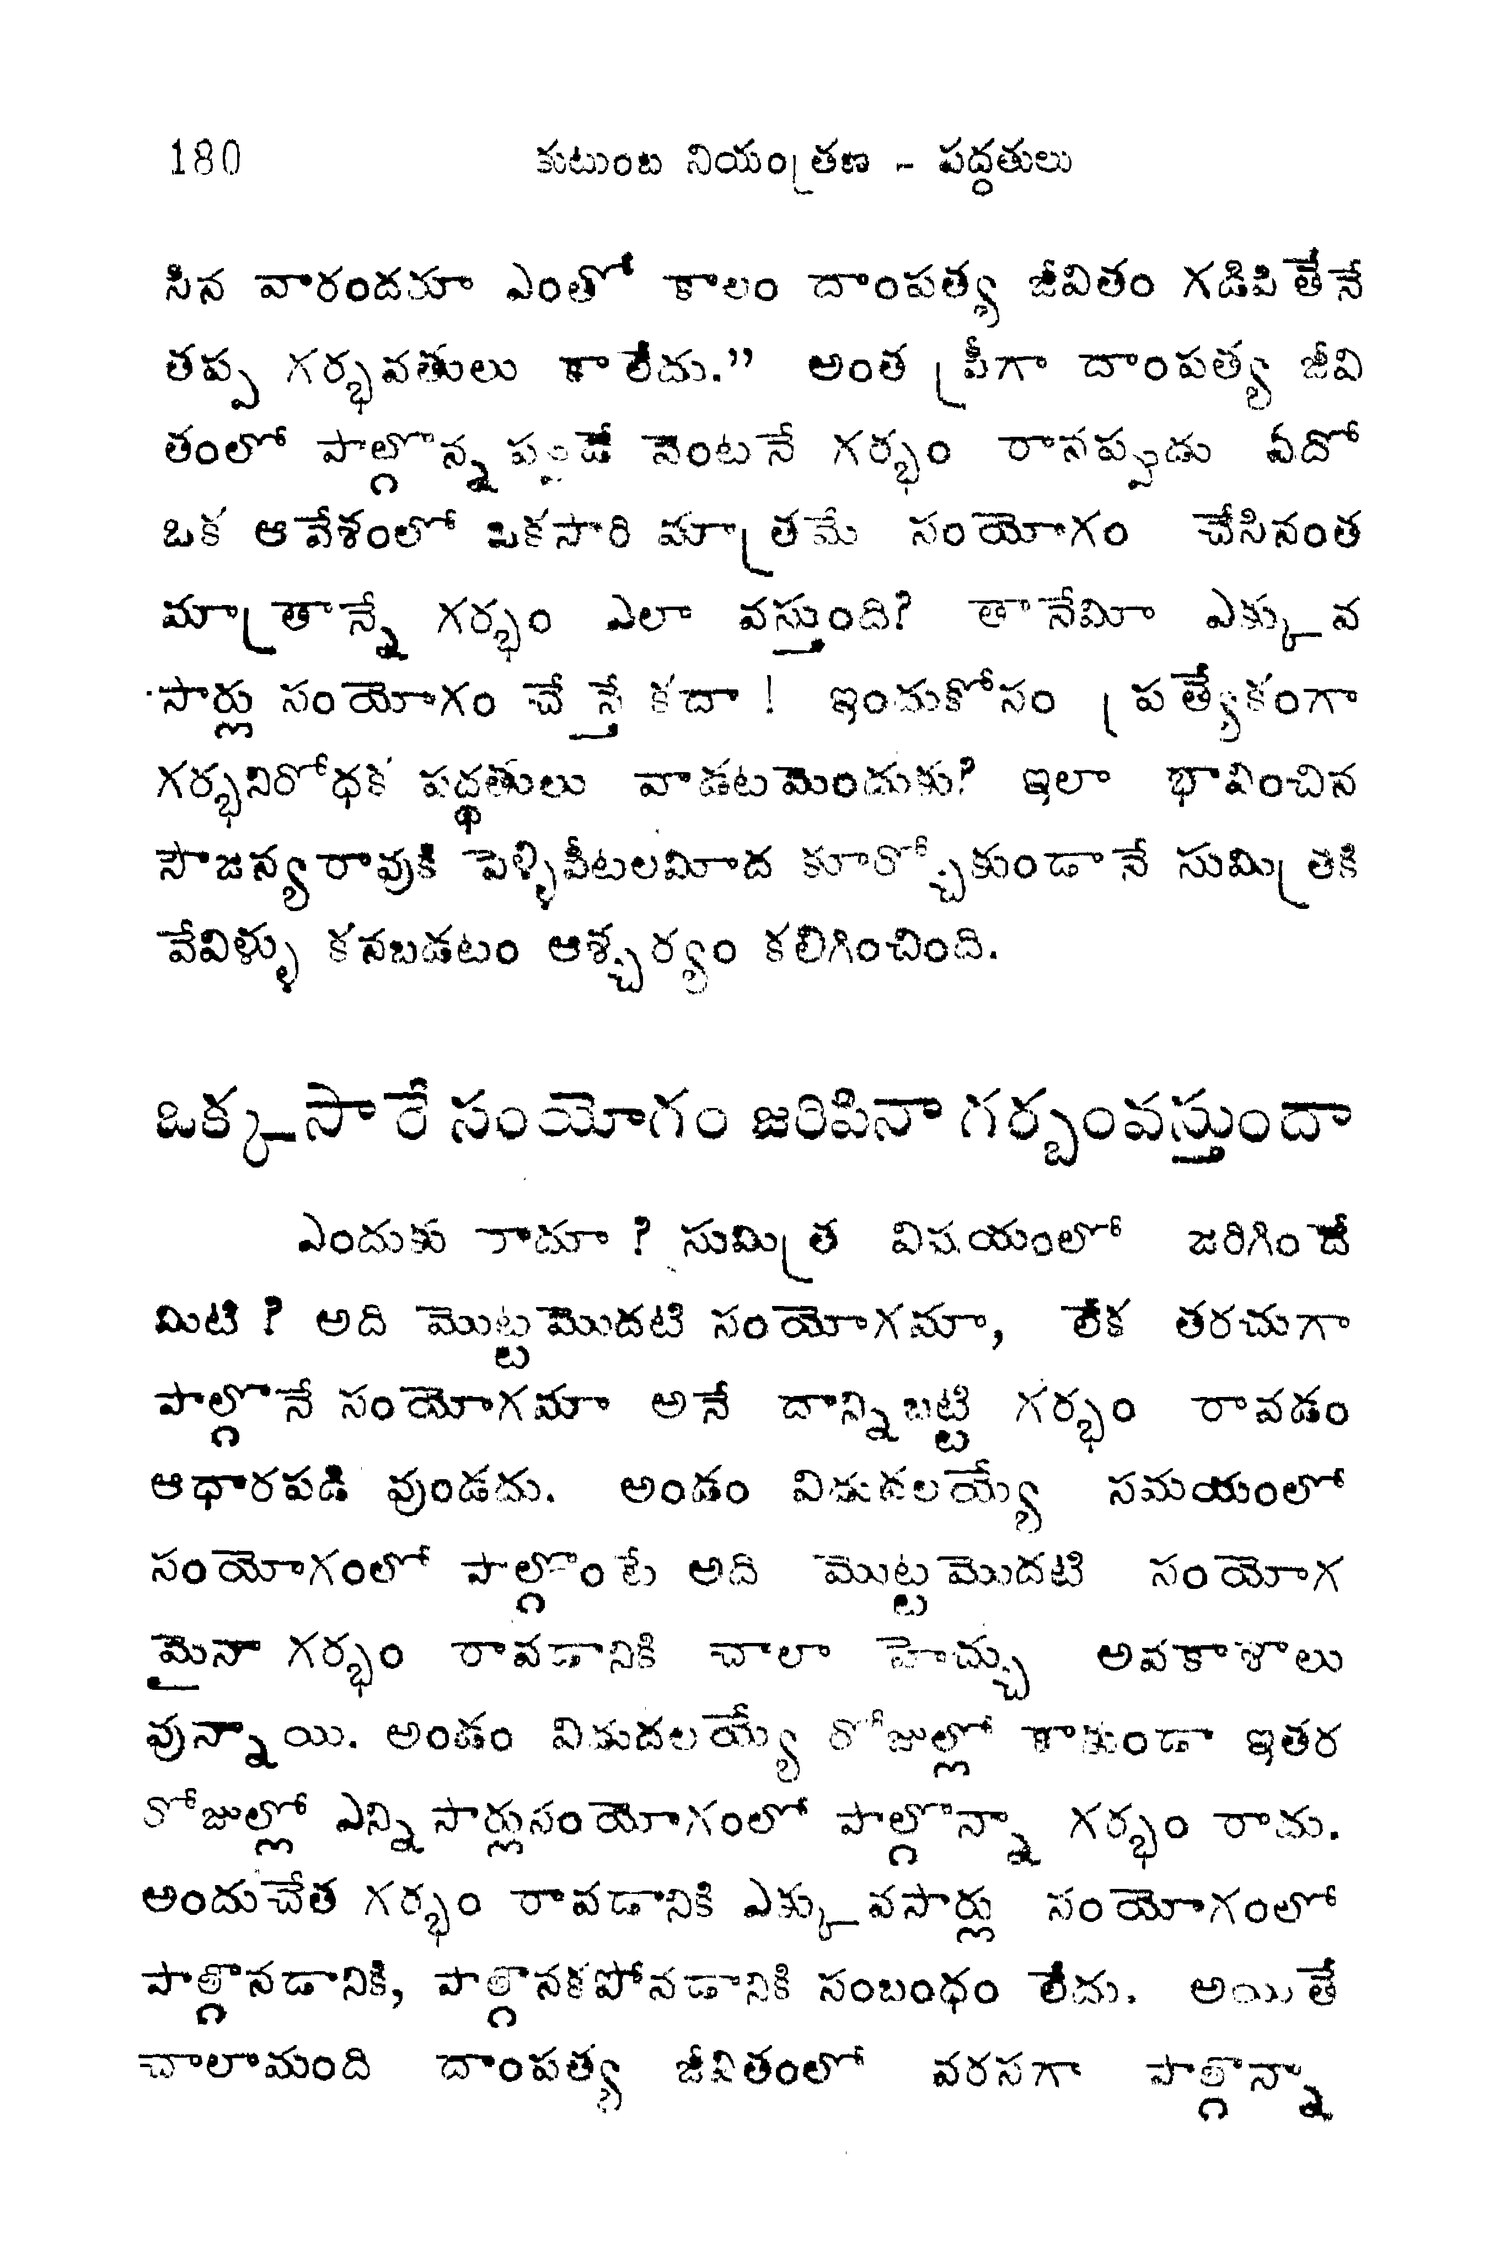సిన వారందరూ ఎంతో కాలం దాంపత్య జీవితం గడిపితేనే తప్ప గర్భవతులు కాలేదు." అంత ఫ్రీగా దాంపత్య జీవితంలో పాల్గొన్నప్పుడే వెంటనె గర్భం రానప్పుడు ఏదో ఒక ఆవేశంలో ఒకసారి మాత్రమే సంయోగం చేసినంత మాత్రాన్నే గర్భం ఎలా వస్తుంది? తానేమీ ఎక్కువ సార్లు సంయోగం చేస్తే కదా! ఇందుకోసం ప్రత్యేకంగా గర్భనిరోధక పద్ధతులు వాడటమెందుకు? ఇలా భావించిన సౌజన్యరావుకి పెళ్ళీపీటలమీద కూర్చోకుండానే సుమిత్రకి వేవిళ్ళు కనబడటం ఆశ్చర్యం కలిగించింది.

ఎందుకు రాదూ? సుమిత్ర విషయంలో జరిగిందేమిటి? అది మొట్టమొదటి సంయోగంమా, లేక తరచుగా పాల్గొనే సంయోగమా అనే దాన్ని బట్టి గర్భం రావడం ఆధారపడి వుండదు. అండం విడుదలయ్యే సమయంలో సంయోగంలో పాల్గొంటే అది మొట్టమొదటి సంయోగమైనా గర్భం రావడానికి చాలా హెచ్చు అవకాశాలు వున్నాయి. అండం విడుదలయ్యే రోజుల్లో కాకుండా ఇతర రోజుల్లో ఎనిసార్లు సంయోగంలో పాల్గొన్నా గర్భం రాదు. అందుచేత గర్భం రావడానికి ఎక్కువసార్లు సంయోగంలో పాల్గొనడానికి, పాల్గొనకపొవడానికి సంబంధం లేదు. అయితే చాలామంది దాంపత్య జీవితంలో వరసగా పాల్గొన్నా